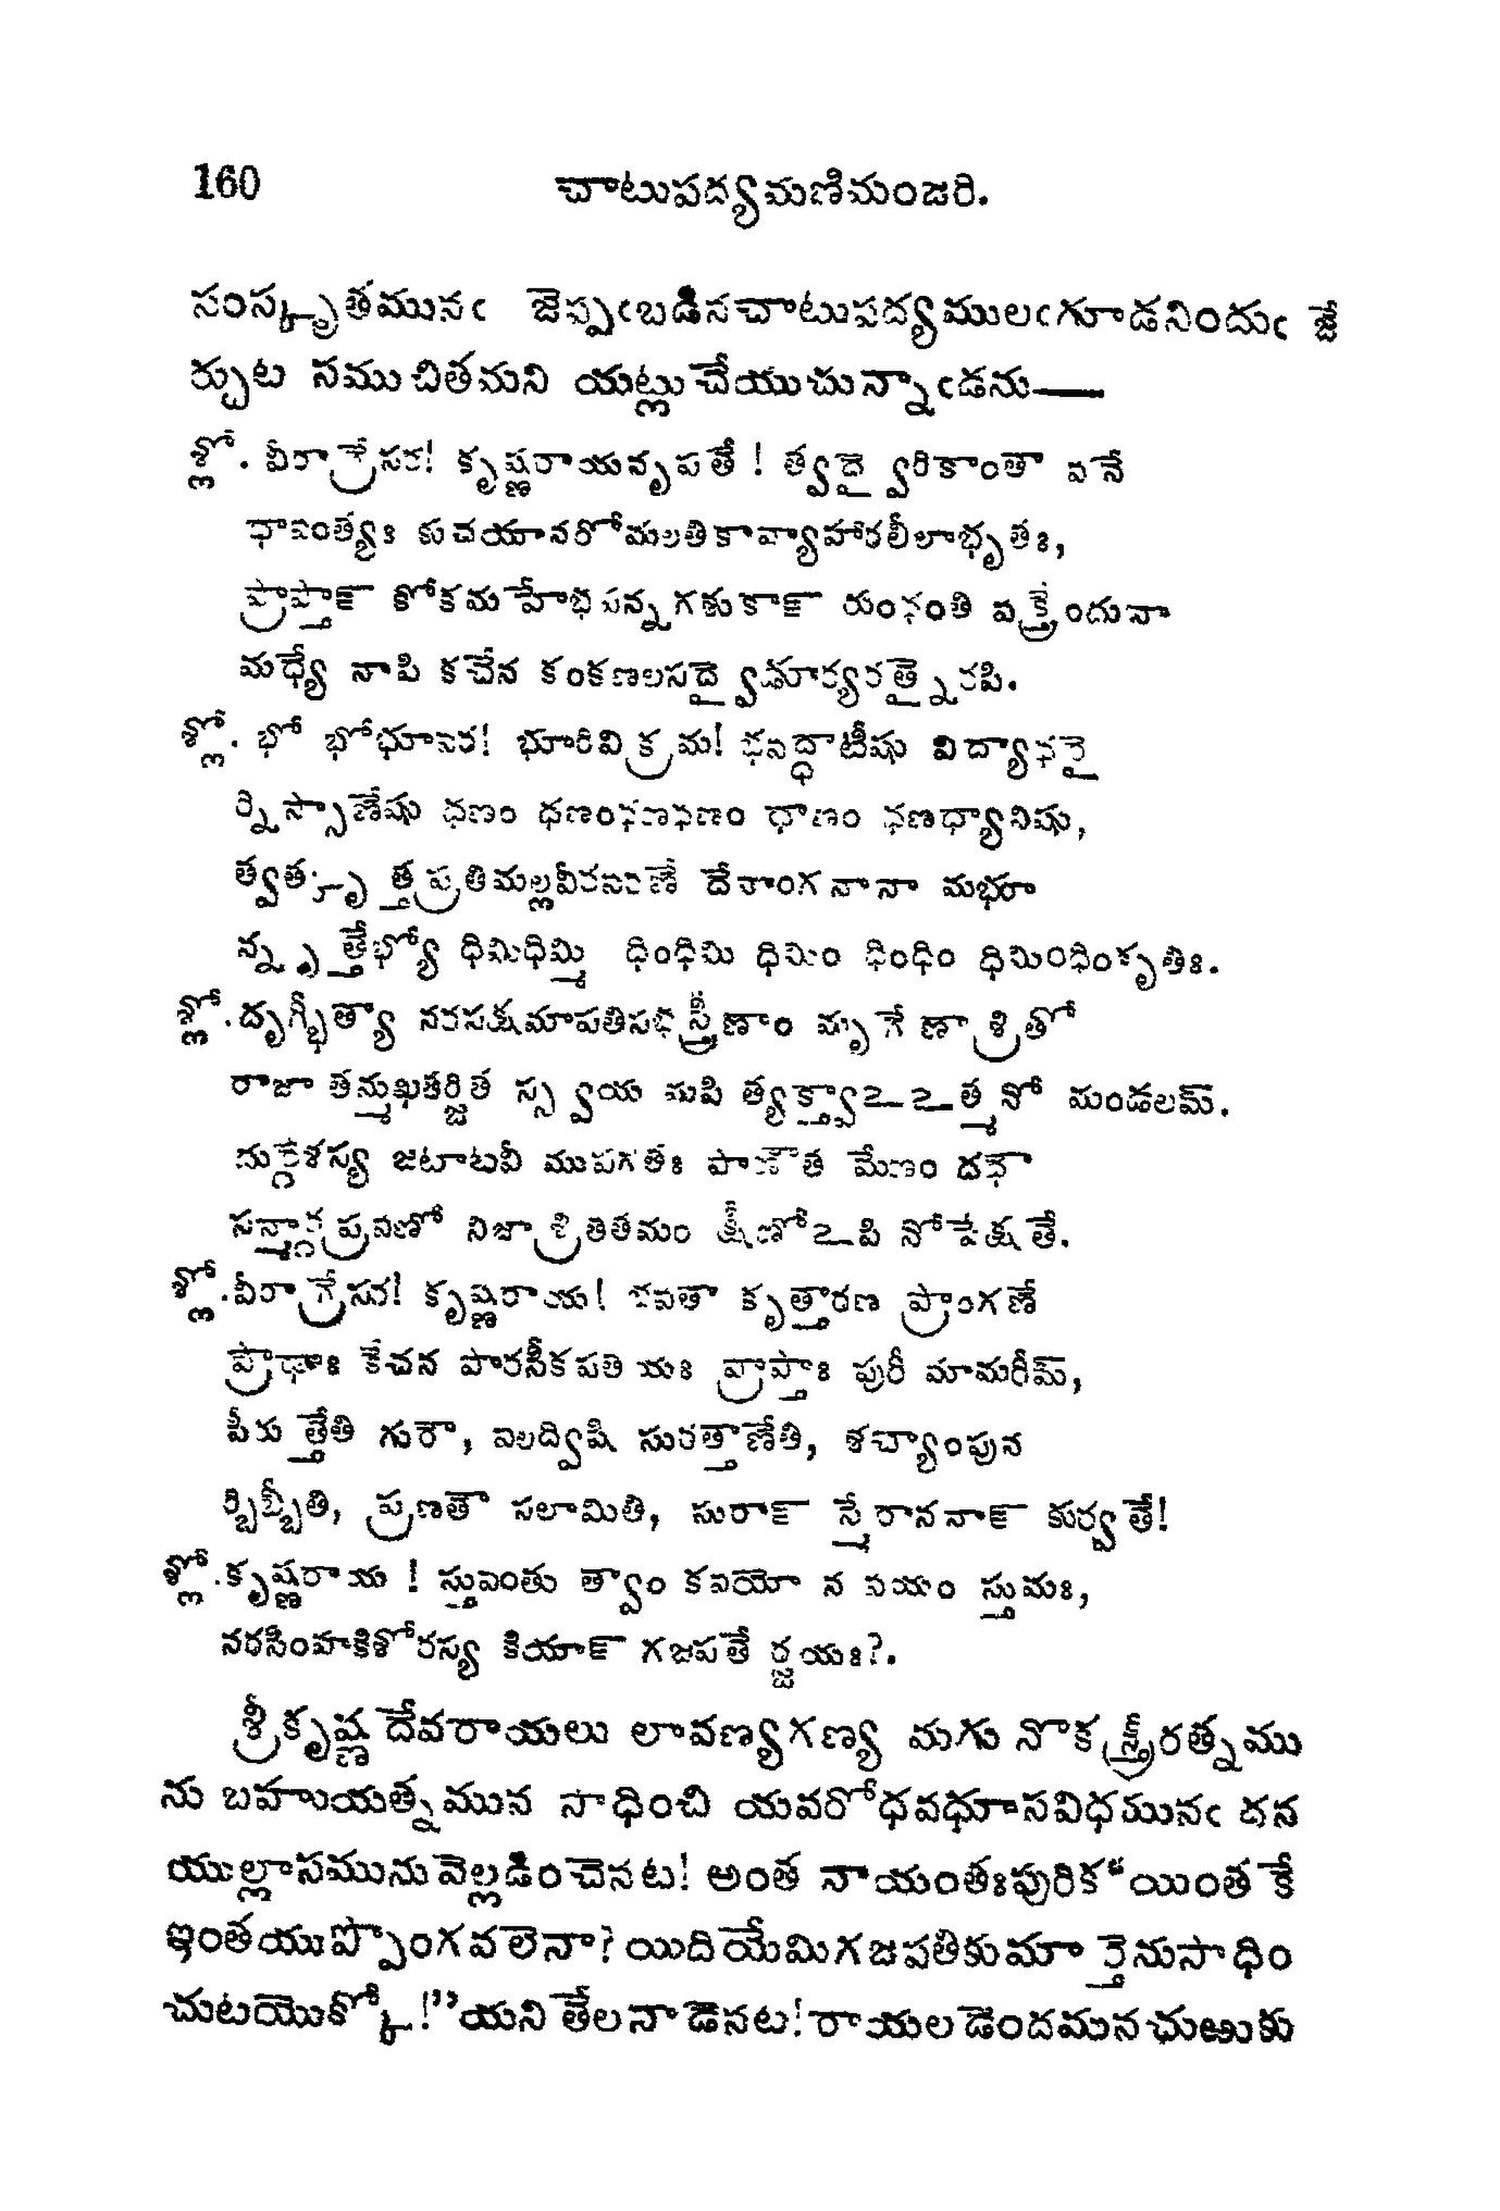సంస్కృతమునఁ జెప్పఁబడిన చాటుపద్యములఁగూడ నిందుఁ జేర్చుట సముచిత మని యట్లు చేయుచున్నాఁడను—
శ్లో. వీరాగ్రేసర! కృష్ణరాయనృపతే! త్వద్వైరికాంతావనే
 ధావంత్యః కుటయానరోమలతికావ్యాహారలీలాభృతః
 ప్రాప్తాన్ కోకమహేభపన్నగశుకాన్ రుంధంతి వక్త్రేందునా
 మధ్యే నాసి కచేన కంకణనసద్వైడూర్యరత్నైరసి.
శ్లో. భో భోభూవర! భూరివిక్రమ! భవద్ధాటీషు విద్యాధరై
 ర్నిస్సాణేషు ధణం ధణం ధణం ధణధణం ధాణం ధణధ్యానిషు
 త్వత్కృత్తప్రతిమల్లవీరవరణే దేవాంగనానా మభూ
 న్నృత్తేభ్యో ధిమిధిమ్మి ధింధిమి ధిమిం ధింధిం ధిమింధింకృతిః
శ్లో. దృగ్భీత్యా నరసక్షమాపతిసభస్త్రీణాం మృగేణాశ్రితో
 రాజా తన్ముఖతర్జిత స్స్వయ మపి త్యక్త్వా౽౽త్మనో మండలం
 దుర్గేశస్య జటాటవీ ముపగతః పాణౌ త మేణం దధౌ
 సన్మార్గప్రవణో నిజాశ్రితతమం క్షీణో౽పి నోపేక్షతే.
శ్లో. వీరాగ్రేసర! కృష్ణరాయ! భవతా కృత్తారణ ప్రాంగణే
 ప్రౌఢాః కేచన పారసీకపతయః ప్రాప్తాః పురీ మామరీం
 పీరుత్తేతి గురౌ, నలద్విషి సురత్తణేతి, శచ్యాంపున
 ర్బిబ్బీతి, ప్రణతౌ సలామితి సురాన్ స్మేరాననాన్ కుర్వతే!
శ్లో. కృష్ణరాయ! స్తువంతు త్వాం కవయో న వయం స్తుమః
 నరసింహకిశోరస్య కియాన్ గజపతే ర్జయః?
శ్రీకృష్ణదేవరాయలు లావణ్యగణ్య మగు నొక స్త్రీరత్నమును బహుయత్నమున సాధించి యవరోధవధూసవిభమునఁ దనయుల్లాసమును వెల్లడించెనట! అంత నాయంతఃపురిక “యింతకే యింత యుప్పొంగవలెనా యిది యేమి గజపతికుమార్తను సాధించుటయొక్కో!” యని తేలనాడెనట! రాయలడెందమున చుఱుకు